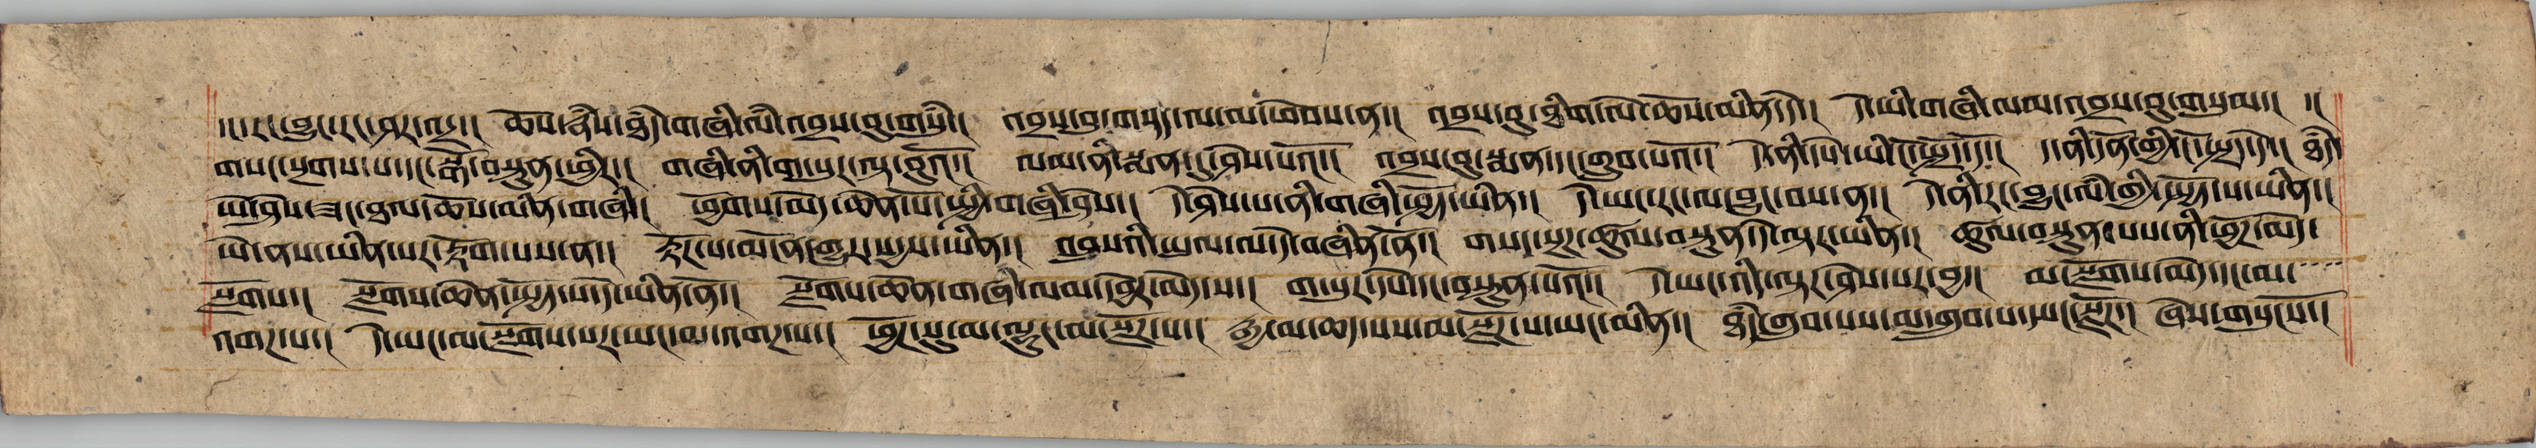དང་རང་བྱུང་རང་ཤར་འདྲ་། ཆོས་རྣཾས་ཐདཾ་གཞི་ལཾ་འབྲས་བུ་གསུཾ་། འབྲས་བུ་གནད་ལ་མ་ཕེབས་ན་། འབྲས་བུ་ཐིག་ལེ་ཆོས་མིན་དེ་།། དེ་ཡི་གཞི་ལམ་འབྲས་བུ་གསུམ་།
གསང་སྔགས་པ་དང་སྒོ་བསྟུན་ཕྱིར་། གཞི་ནི་ག་པུར་ལྟ་བུའོ་། ལམ་ནི་སྨན་དུ་ཤེས་པའོ་། འབྲས་བུ་སྨན་དང་གྲུབ་པའོ་། དེ་ནི་དཔེ་ཡི་ངོ་སྤྲོད་དོ་། ད་ནི་དོན་གྱི་ངོ་སྤྲད་དེ་། ཐ
ཡེ་ཤེས་ཟང་ཐལ་ཆོས་མིན་གཞི་། ཕྱོགས་མེད་ཆེན་པོ་སྤྱི་གཞི་ཤེས་། དེ་ཤེས་པ་ནི་གཞི་སྤྱོད་ཡིན་། དེ་ཡང་རང་ལ་བྱུང་བས་ན་། དེ་ནི་རང་བྱུང་ལཾ་གྱི་སྤྱོད་པ་ཡིན་།
ཡེ་ནས་ཡིན་པར་རྟོག་པས་ན་། རྟོཌ་པ་མངོན་གྱུར་སདྱས་ཡིན་། འབྲུསའི་ཡུལ་ལ་དེ་བཞིན་ནོ་། གསང་སྔཌ་ཚུལ་བསྟུན་དེ་ལྟར་ཡིན་། ཚུལ་བསྟུན་པས་ནི་ཕྱོཌ་མེད་
སྫོགས་། སྫོགས་ཆེན་སྤྱོད་པ་དེ་ཡིན་ནོ་། སྫོགས་ཆེན་གཞི་ལམ་དབྱེར་མེད་པ་། ག་པུར་དེས་དང་བསྟུན་པའོ་། དེ་ཡང་འདི་ལྟར་ཤེས་པར་བྱ་། མ་སྫོགས་མེད་དང་མ་
འགཌ་པ་། དེ་ཡང་མ་སྫོགས་པར་ཡང་མ་འགཌ་པ་། ཕྱོཌ་སུ་མ་ལྷུང་མ་སྫོཌ་པ་། རྒྱ་མ་ཆད་པས་མ་སྫོཌ་པ་ཡང་མིན་། ཐཾད་གྲུབ་པས་མ་གྲུབ་པ་ཡང་སྫོཌ་། ཞེས་གསུངསོ་།